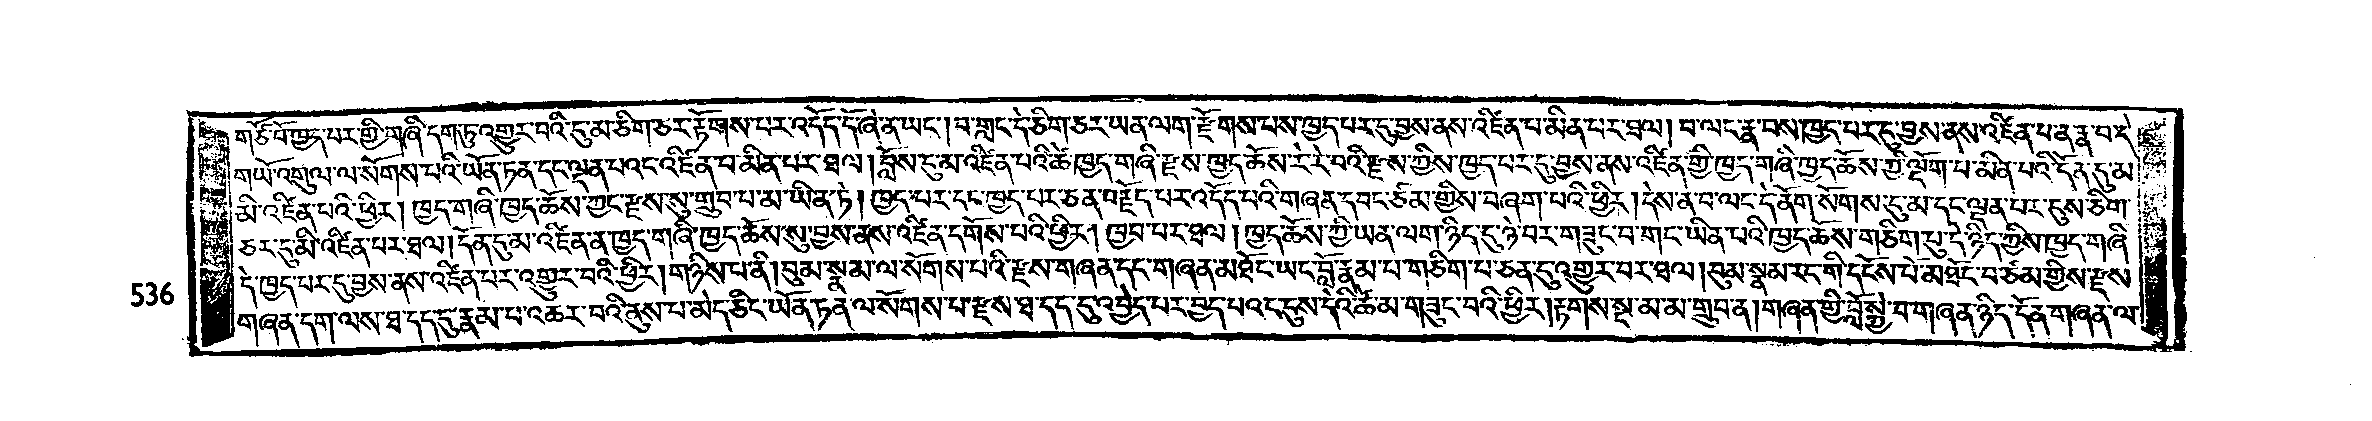གཙོ་བོ་ཁྱད་པར་གྱི་གཞི་དག་ཏུ་འགྱུར་བའི་དུ་མ་ཅིག་ཅར་རྟོགས་པར་འདོད་དོ་ཞེ་ན་ཡང་། བ་གླང་དེ་ཅིག་ཅར་ཡན་ལག་རྫོགས་པས་ཁྱད་པར་དུ་བྱས་ནས་འཛིན་པ་མིན་པར་ཐལ། བ་ལང་རྣ་བས་ཁྱད་པར་དུ་བྱས་ནས་འཛིན་པ་ན་རྣ་བ་
གཡོ་འགུལ་ལ་སོགས་པའི་ཡོན་ཏན་དང་ལྡན་པའང་འཛིན་པ་མིན་པར་ཐལ། བློས་དུ་མ་འཛིན་པའི་ཚེ་ཁྱད་གཞི་རྫས་ཁྱད་ཆོས་རེ་རེ་བའི་རྫས་ཀྱིས་ཁྱད་པར་དུ་བྱས་ནས་འཛིན་གྱི་ཁྱད་གཞི་ཁྱད་ཆོས་ཀྱི་ལྡོག་པ་མིན་པའི་དོན་དུ་མ་
མི་འཛིན་པའི་ཕྱིར། ཁྱད་གཞི་ཁྱད་ཆོས་ཀྱང་རྫས་སུ་གྲུབ་པ་མ་ཡིན་ཏེ། ཁྱད་པར་དང་ཁྱད་པར་ཅན་བརྗོད་པར་འདོད་པའི་གཞན་དབང་ཙམ་གྱིས་བཞག་པའི་ཕྱིར། དེས་ན་བ་ལང་དེ་ནོག་སོགས་དུ་མ་དང་ལྡན་པར་དུས་ཅིག་
ཅར་དུ་མི་འཛིན་པར་ཐལ། དོན་དུ་མ་འཛིན་ན་ཁྱད་གཞི་ཁྱད་ཆོས་སུ་བྱས་ནས་འཛིན་དགོས་པའི་ཕྱིར། ཁྱབ་པར་ཐལ། ཁྱད་ཆོས་ཀྱི་ཡན་ལག་ཉིད་དུ་ཉེ་བར་གཟུང་བ་གང་ཡིན་པའི་ཁྱད་ཆོས་གཅིག་པུ་དེ་ཉིད་ཀྱིས་ཁྱད་གཞི་
དེ་ཁྱད་པར་དུ་བྱས་ནས་འཛིན་པར་འགྱུར་བའི་ཕྱིར། གཉིས་པ་ནི། བུམ་སྣམ་ལ་སོགས་པའི་རྫས་གཞན་དང་གཞན་མཐོང་ཡང་བློ་རྣམ་པ་གཅིག་པ་ཅན་དུ་འགྱུར་བར་ཐལ། བུམ་སྣམ་རང་གི་དངོས་པོ་མཐོང་བ་ཙམ་གྱིས་རྫས་
གཞན་དག་ལས་ཐ་དད་དུ་རྣམ་པ་འཆར་བའི་ནུས་པ་མེད་ཅིང་ཡོན་ཏན་ལ་སོགས་པ་རྫས་ཐ་དད་དུ་འབྱེད་པར་བྱད་པའང་དུས་དེའི་ཚེ་མ་གཟུང་བའི་ཕྱིར། རྟགས་སྔ་མ་མ་གྲུབ་ན། གཞན་གྱི་བློ་སྐྱེ་བ་གཞན་ཉིད་དོན་གཞན་ལ་